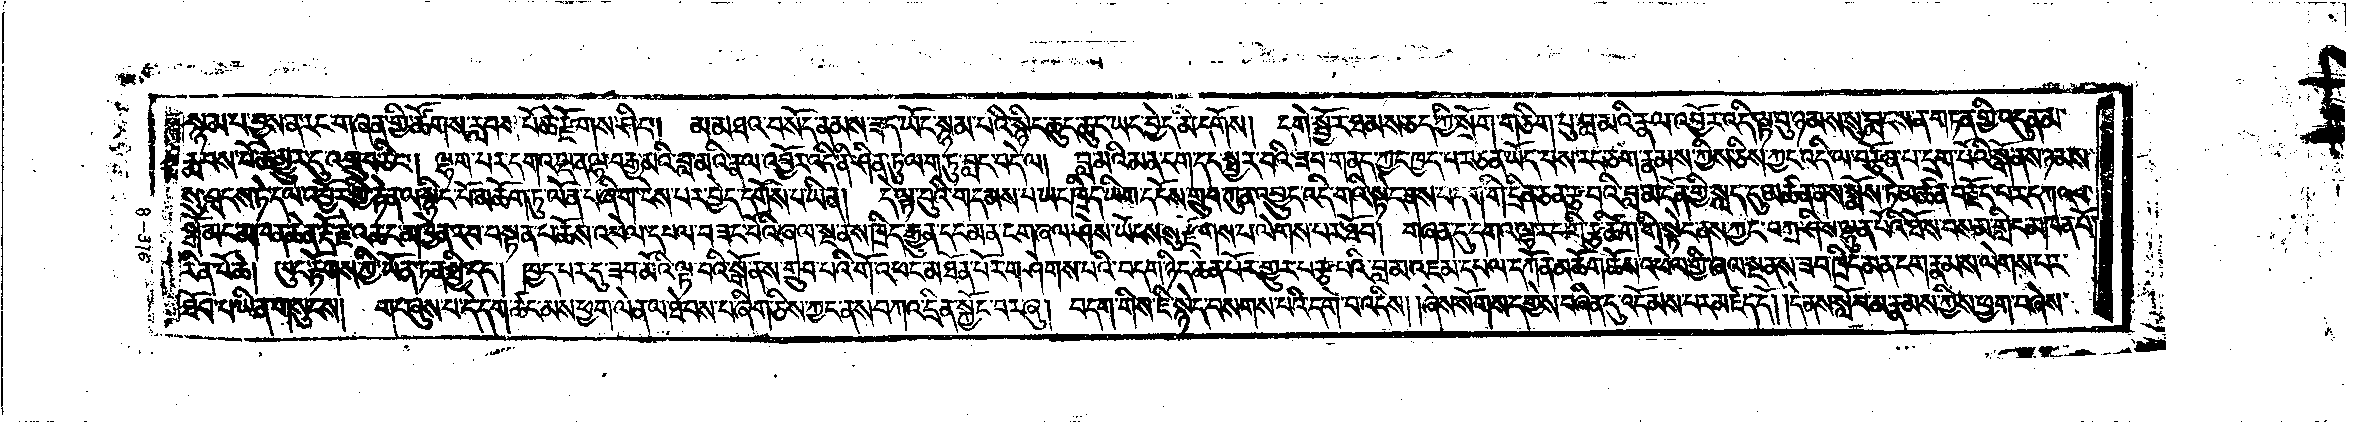སྙམ་པ་བྱས་ན་རང་གཞན་གྱི་ཚོགས་རླབས་པོ་ཆེ་རྫོགས་ཤིང་། མ་མཐའ་བསོད་ནམས་ཟད་ཡོང་སྙམ་པའི་སྙིང་ཆུང་ཆུང་ཡང་བྱེད་མི་དགོས། དགེ་སྦྱོར་ཐམས་ཅད་ཀྱི་སྲོག་གཅིག་པུ་བླ་མའི་རྣལ་འབྱོར་འདི་ལྟ་བུ་ཉམས་སུ་བླངས་ན་གཏན་གྱི་འདུན་མ་
རླབས་པོ་ཆེ་མྱུར་དུ་འགྲུབ་ཅིང་། ལྷག་པར་དགའ་ལྡན་ལྷ་བརྒྱ་མའི་བླ་མའི་རྣལ་འབྱོར་འདི་ནི་ཤིན་ཏུ་ལག་ཏུ་བླང་བདེ་ལ། བླ་མའི་མན་ངག་དང་སྦྱར་བའི་ཟབ་གནད་ཀྱང་ཁྱད་པར་ཅན་ཡོད་པས་རང་ཅག་རྣམས་ཀྱིས་ཅིས་ཀྱང་འདི་ལ་བརྩོན་པ་དྲག་པོའི་སྒོ་ནས་ཉམས་
སུ་བླངས་ཏེ་དལ་འབྱོར་གྱི་རྟེན་ལ་སྙིང་པོ་མཆོག་ཏུ་ལོན་པ་ཞིག་ངེས་པར་བྱེད་དགོས་པ་ཡིན། དེ་ལྟ་བུའི་གདམས་པ་ཡང་ཁྲིད་ཡིག་དངོས་གྲུབ་ཀུན་འབྱུང་འདི་གའི་སྟེང་ནས་བདག་གི་དྲིན་ཅན་རྩ་བའི་བླ་མ་དོན་གྱི་སླད་དུ་མཚན་ནས་སྨོས་ཏེ་མཚན་བརྗོད་པར་དཀའ་བ་
སྒོ་མང་མཁན་ཆེན་རྡོ་རྗེ་འཆང་མཁྱེན་རབ་བསྟན་པ་ཆོས་འཕེལ་དཔལ་བཟང་པོའི་ཞལ་སྔ་ནས་ཁྲིད་རྒྱུན་དང་མན་ངག་ཞལ་ཤེས་ཡོངས་སུ་རྫོགས་པ་ལེགས་པར་ཐོབ། གཞན་དུ་དགའ་ལྷ་རང་གི་རྩ་ཚིག་གི་སྟེང་ནས་ཀྱང་བཀྲ་ཤིས་ལྷུན་པོའི་ཐོས་བསམ་གླིང་མཁན་པོ་
རིན་པོ་ཆེ། ལུང་རྟོགས་ཀྱི་ཡོན་ཏན་སྤྱི་དང་། ཁྱད་པར་དུ་ཟབ་མོའི་ལྟ་བའི་སྒོ་ནས་གྲུབ་པའི་གོ་འཕང་མཐོན་པོར་གཤེགས་པའི་བདག་ཉིད་ཆེན་པོར་གྱུར་པ་རྩ་བའི་བླ་མ་འཇམ་དཔལ་དཀོན་མཆོག་ཆོས་འཕེལ་གྱི་ཞལ་སྔ་ནས་ཟབ་ཁྲིད་མན་ངག་རྣམས་ལེགས་པར་
ཐོབ་པ་ཡིན་གསུངས། གང་ཞུས་པ་དེ་དག་ཚང་མས་ཕྱག་ལེན་ལ་ཐེབས་པ་ཞིག་ཅིས་ཀྱང་ནས་བཀའ་དྲིན་སྐྱོང་བར་ཞུ། བདག་གིས་ཇི་སྙེད་བསགས་པའི་དགེ་བ་འདིས། །ཞེས་སོགས་དགྱེས་བཞིན་དུ་འདོམས་པར་མཛད་དོ། །དེ་ནས་སློབ་མ་རྣམས་ཀྱིས་ཕྱག་བཞེས་